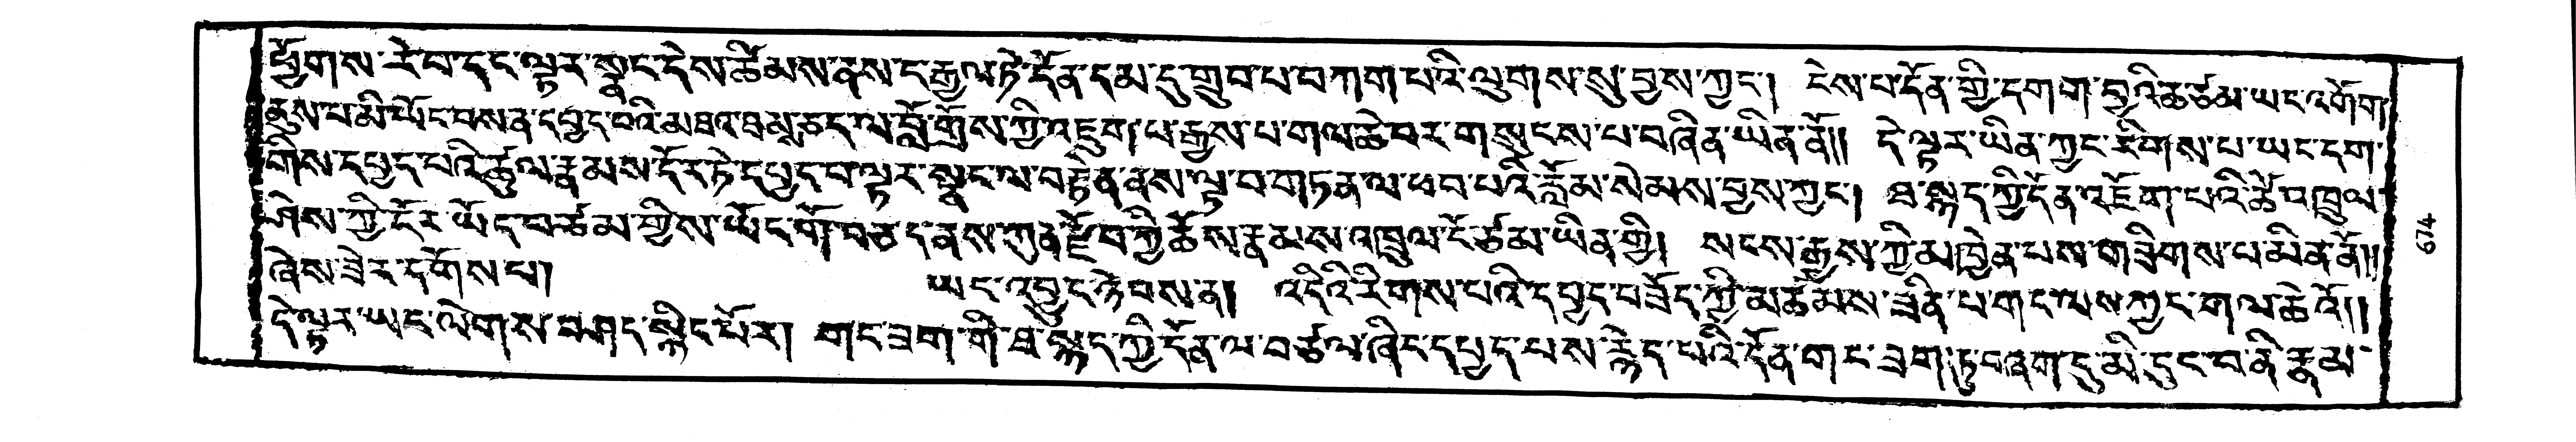ཕྱོགས་རེ་བ་དང་ལྟར་སྣང་དེས་ཚིམས་ནས་ང་རྒྱལ་ཏེ་དོན་དམ་དུ་གྲུབ་པ་བཀག་པའི་ལུགས་སུ་བྱས་ཀྱང་། ངེས་པ་དོན་གྱི་དགག་བྱའི་ཆ་ཙམ་ཡང་འགོག་
ནུས་པ་མི་ཡོང་བས་ན་དཔྱད་པའི་མཐའ་ཐམས་ཅད་ལ་བློ་གྲོས་ཀྱི་འཇུག་པ་རྒྱས་པ་གལ་ཆེ་བར་གསུངས་པ་བཞིན་ཡིན་ནོ། །དེ་ལྟར་ཡིན་ཀྱང་རིགས་པ་ཡང་དག་
གིས་དཔྱད་པའི་ཚུལ་རྣམས་དོར་ཏེ་དཔྱད་པ་ལྟར་སྣང་ལ་བརྟེན་ནས་ལྟ་བ་གཏན་ལ་ཕབ་པའི་རློམ་སེམས་བྱས་ཀྱང་། ཐ་སྙད་ཀྱི་དོན་འཇོག་པའི་ཚེ་འཁྲུལ་
ཤེས་ཀྱི་ངོར་ཡོད་པ་ཙམ་གྱིས་ཡོང་གོ་བཅད་ནས་ཀུན་རྫོབ་ཀྱི་ཆོས་རྣམས་འཁྲུལ་ངོ་ཙམ་ཡིན་གྱི། སངས་རྒྱས་ཀྱི་མཁྱེན་པས་གཟིགས་པ་མིན་ནོ། །
ཞེས་ཟེར་དགོས་པ། ཡང་འབྱུང་ཉེ་བས་ན། འདིའི་རིགས་པའི་དཔྱད་བཟོད་ཀྱི་མཚམས་ཟིན་པ་གང་ལས་ཀྱང་གལ་ཆེའོ།།
དེ་ལྟར་ཡང་ལེགས་བཤད་སྙིང་པོར། གང་ཟག་གི་ཐ་སྙད་ཀྱི་དོན་ལ་བཙལ་ཞིང་དཔྱད་པས་རྙེད་པའི་དོན་གང་ཟག་ཏུ་བཞག་དུ་མི་དུང་བ་ནི་རྣམ་